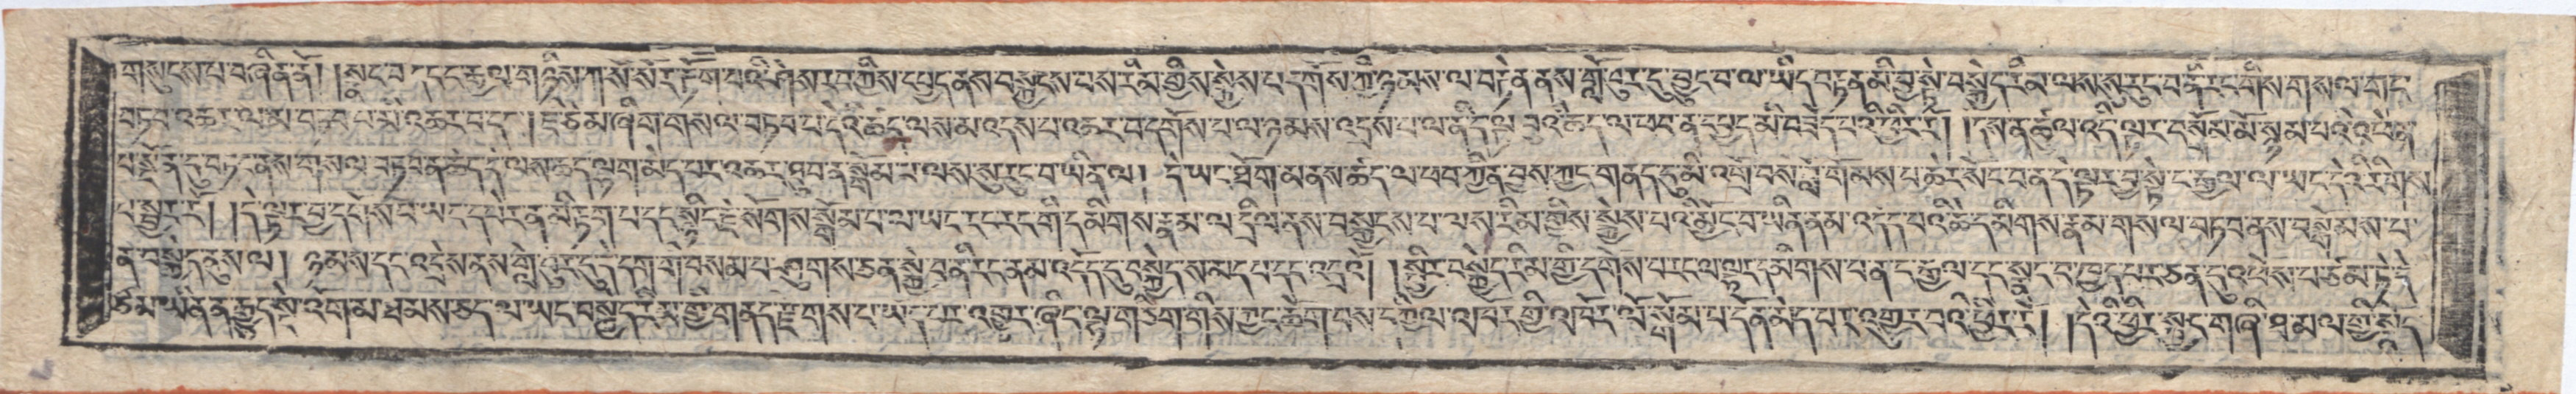གསུངས་པ་བཞིན་ནོ། །སྣང་བ་དང་ང་རྒྱལ་གཉིས་ཀ་སོ་སོར་རྟོག་པའི་ཤེས་རབ་ཀྱིས་དཔྱད་ནས་བསྐྱངས་པས་རིམ་གྱིས་སྐྱེས་པ་དགོས་ཀྱི་ཉམས་ལ་བརྟེན་ནས་གློ་བུར་དུ་བྱུང་བ་ལ་ཡིད་བརྟན་མི་བྱ་སྟེ་བསྐྱེད་རིམ་ལས་སུ་རུང་བ་ནི་རང་གིས་གསལ་གང་
བཏབ་འཆར་ལ་མ་བཏབ་པ་མི་འཆར་བ་དང་། ཇི་ཙམ་ཞིག་གསལ་བཏབ་པ་དེའི་ཚད་ལས་མ་འདས་པ་འཆར་བ་དགོས་པ་ལ་ཉམས་འདྲས་པ་ལ་ནི་ད་ལྟ་བུའི་ཆད་ལ་ཕབ་ན་དཔྱད་མི་བཟོད་པའི་ཕྱིར་རོ། །དེས་ན་ཚུལ་འདི་ལྟར་བསྒོམ་མོ་སྙམ་པའི་འཕེན་
པ་སྔོན་དུ་བཏང་ནས་གསོལ་བཏབ་ན་ཚད་དེ་ལས་ཆད་ལྷག་མེད་པར་འཆར་ཐུབ་ན་སྒོམ་པ་ལས་སུ་རུང་བ་ཡིན་ལ། དེ་ཡང་ཐོག་མ་ནས་ཚད་ལ་ཕབ་ཀྱིན་བྱས་ཀྱང་གནད་དུ་མི་འགྲོ་བས་བློ་གོམས་པ་ཆེར་སོང་བ་ན་དེ་ལྟར་བྱ་སྟེ་ང་རྒྱལ་ལ་ཡང་དེའི་རིགས་
པ་སྦྱར་རོ། །དེ་ལྟར་བྱ་དགོས་པ་ཡང་དཔེར་ན་མི་རྟག་པ་དང་སྙིང་རྗེ་སོགས་སྒོམ་པ་ལ་ཡང་དང་རང་གི་དམིགས་རྣམ་ལ་དྲིལ་ནས་བསྐྱངས་པ་ལས་རིམ་གྱིས་སྐྱེས་པའི་མྱོང་བ་ཡིན་ནམ་འདོད་པའི་ཆེ་དམིགས་རྣམ་གསལ་བཏབ་ནས་བསྒོམས་པ་
ན་བསྐྱེད་ནུས་ལ། ཉམས་དང་འདྲེས་ནས་གློ་བུར་དུ་དེ་དག་གི་བསམ་པ་ཤུགས་ཅན་སྐྱེ་བ་ནི་རང་ནམ་འདོད་དུ་བསྐྱེད་ས་མད་པ་དང་འདྲའོ། །སྤྱིར་བསྐྱེད་རིམ་གྱི་དགོས་པ་རང་ལ་ལྷར་དམིགས་པ་ན་ང་རྒྱལ་དང་སྣང་བ་ཁྱད་པར་ཅན་དུ་འཕོས་པ་ཙམ་ཏེ་དེ་
ཙམ་ཡིན་ན་རྒྱུད་སྡེ་འོག་མ་ཐམས་ཅད་ལ་ཡང་བསྐྱེད་རིམ་གྱི་གནད་རྫོགས་པ་ཡོད་པར་འགྱུར་ཞིང་ལྷ་གཅིག་གིས་ཀྱང་ཆོག་པས་དཀྱིལ་འཁོར་གྱི་འཁོར་ལོ་སྒོམ་པ་དོན་མེད་པར་འགྱུར་བའི་ཕྱིར་རོ། །དེའི་ཕྱིར་སྦྱང་གཞི་ཐ་མལ་གྱི་སྣོད་